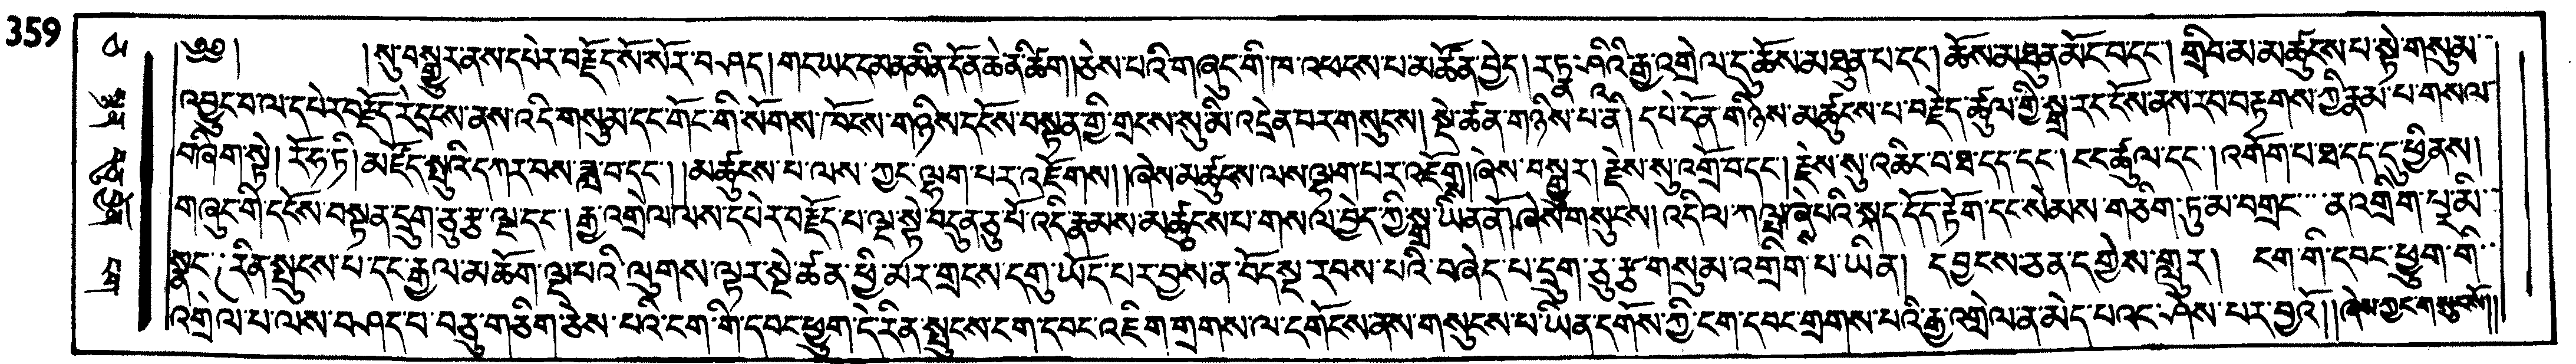༄༅། །སུ་བསྒྱུར་ནས་དཔེར་བརྗོད་སོ་སོར་བཤད། གང་ཡང་དམན་མིན་དོན་ཆེ་ན་ཚིག། ཅེས་པའི་གཞུང་གི་ཁ་འཕངས་པ་མཚོན་བྱེད། རཏྣ་ཤཱའི་རྒྱ་འགྲེལ་དུ་ཆོས་མཐུན་པ་དང་། ཆོས་མཐུན་མོང་བ་དང་། གྲིབ་མ་མཚུངས་པ་སྟེ་གསུམ་
འབྱུང་བ་ལ་དཔེར་བརྗོད་རེ་དྲངས་ནས་འདི་གསུམ་དང་གོང་གི་སོགས་ཁོངས་གཉིས་དངོས་བསྟན་གྱི་གྲངས་སུ་མི་འདྲེན་པར་གསུངས། སྡེ་ཚན་གཉིས་པ་ནི། དཔེ་དོན་གཉིས་མཚུངས་པ་བརྗེད་ཚུལ་གྱི་སྒྲ་རང་དངོས་ནས་རབ་བརྟགས་ཀྱི་རྣམ་པ་གསལ་
བ་ཞིག་སྟེ། རོ་ཧ་ཏི། མཛོད་སྤུའི་དཀར་བས་ཟླ་བ་དང་། །མཚུངས་པ་ལས་ཀྱང་ལྷག་པར་འཇོགས། །ཞེས་མཚུངས་པ་ལས་ལྷག་པར་འཇོགས། ཞེས་བསྒྱར། རྗེས་སུ་འགྲོ་བ་དང་། རྗེས་སུ་འཆིང་བ་ཐ་དད་དང་། ངང་ཚུལ་དང་། འགོག་པ་ཐ་དད་དུ་ཕྱི་ནས།
གཞུང་གི་དངོས་བསྟན་དྲུག་ཅུ་རྩ་ལྔ་དང་། རྒྱ་འགྲེལ་ལས་དཔེར་བརྗོད་པ་ལྔ་སྟེ་བདུན་ཅུ་པོ་འདི་རྣམས་མཚུངས་པ་གསལ་བྱེད་ཀྱི་སྒྲ་ཡིན་ནོ། ཞེས་གསུངས། འདི་ལ་ཀལྤ་ཞེས་པའི་སྐད་དོད་རྟོགས་དང་སེམས་གཅིག་ཏུ་མ་བགྲང་་་ན་འགྲིག་པར་མི་
སྣང༑ རིན་སྤུངས་པ་དང་རྒྱལ་མཆོག་ལྔ་པའི་ལུགས་ལྟར་སྔེ་ཚན་ཕྱི་མར་གྲངས་དགུ་ཡོད་པར་བྱས་ནས་བོད་སྔ་རབས་པའི་བཞེད་པ་དྲུག་ཅུ་རྩ་གསུམ་འགྲིག་པ་ཡིན། །དབྱངས་ཅན་དགྱེས་གླུར། །ངག་གི་དབང་ཕྱུག་གི་
འགྲེལ་པ་ལས་བཤད་པ་བཅུ་གཅིག་ཅེས་པའི་ངག་པའི་དབང་ཕྱུག་དེ་རིན་སྤུངས་ངག་དབང་འཇིག་གྲགས་ལ་དགོངས་ནས་གསུངས་པ་ཡིན་དགོས་ཀྱི་ངག་དབང་གྲགས་པའི་རྒྱ་འགྲེལ་ན་མེད་པའང་ཤེས་པར་བྱའོ། །ཞེས་ཀྱང་གསུངས་སོ། །